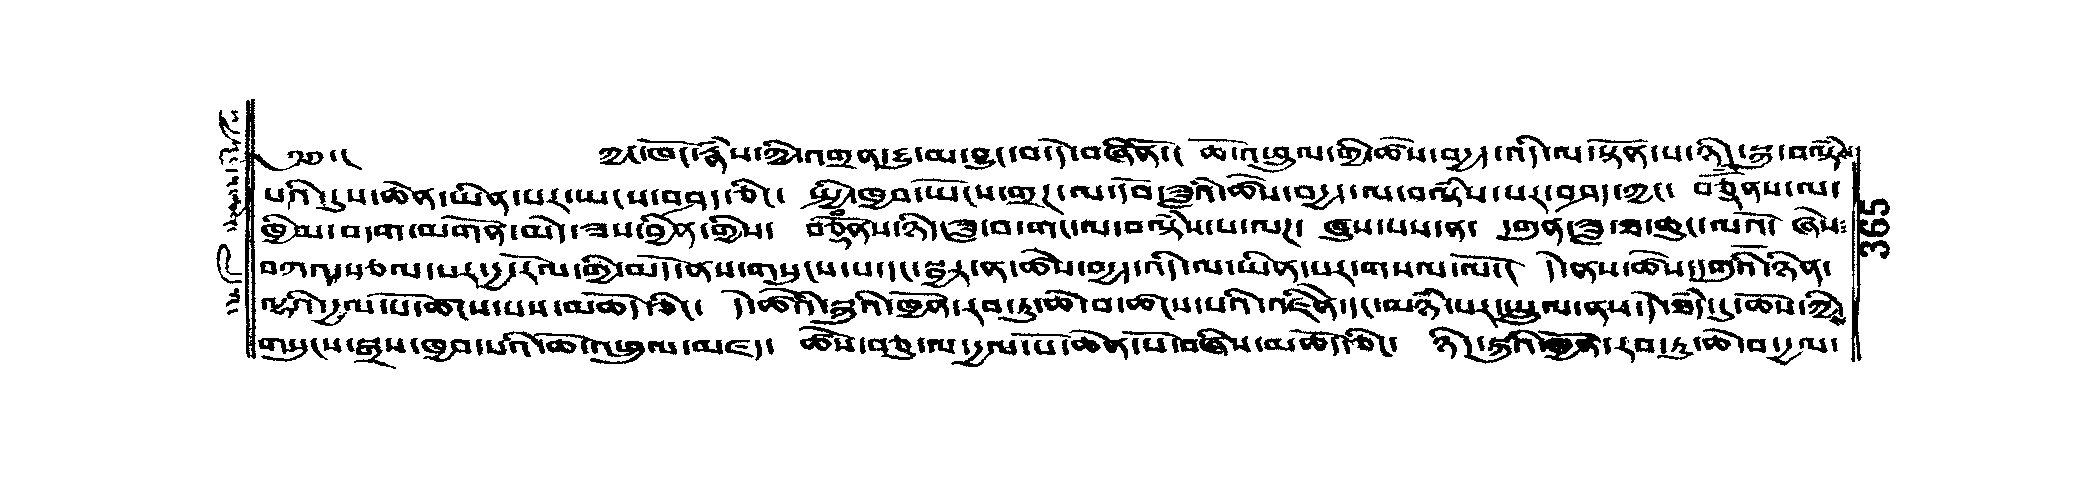ཀྱང་ཁོང་རྣམས་ཀྱི་འགྲན་རྒྱུ་མ་བྱུང་བ་དེ་བཞིན་ནོ། ཆོ་འཕྲུལ་གྱི་ཚེས་བརྒྱད་འདི་ལ་སྟོན་པ་ཉིད་སྐུ་བལྟམས་
པའི་དུས་ཆེན་ཡིན་པར་ཡང་བཤད་ཅིང་། སྤྱི་ཁྱབ་ཡོངས་གྲགས་ལ་དབོ་ཟླའི་ཚེས་བརྒྱད་ལ་བལྟམས་པར་བཤད་ཀྱང་། བཅོམ་ལྡན་འདས་ལ་
ཁྱིམ་བདག་མགོན་མེད་ཟས་སྦྱིན་གྱིས། བཅོམ་ལྡན་འདས་ཉིད་ཟླ་བ་གང་ལ་བལྟམས་པ་ལགས། ཞུས་པས་ན།དགུན་ཟླ་ཐ་ཆུང་ལའོ། ཞེས་
བཀའ་སྩལ་པར་རྒྱ་རོལ་གྱི་མདོ་ནས་གསུངས་པ་དང་སྦྱར་ན་ཚེས་བརྒྱད་འདི་ལ་ཡིན་པར་གསལ་ལོ། དེ་ནས་ཚེས་དགུའི་ཉིན་
ལྷའི་རྒྱལ་པོ་ཚངས་པས་མཆོད་ཅིང་། དེ་ཚེའི་སྐུའི་ཁྱོན་རབ་ཏུ་ཆེ་བ་ཚངས་པའི་འཇིག་རྟེན་དང་མཉམ་པར་སྤྲུལ་ནས་དེ་ཐམས་ཅད་དུ་ཆོས་ཀྱིས་
གསུང་སྒྲས་ཁྱབ་པའི་ཆོ་འཕྲུལ་མཛད། ཚེས་བཅུ་ལ་རྒྱལ་པོ་ཆེན་པོ་བཞིས་མཆོད་ཅིང་། ཉིད་སྐུའི་ཁྱོན་རབ་ཏུ་ཆེ་བ་རྒྱལ་